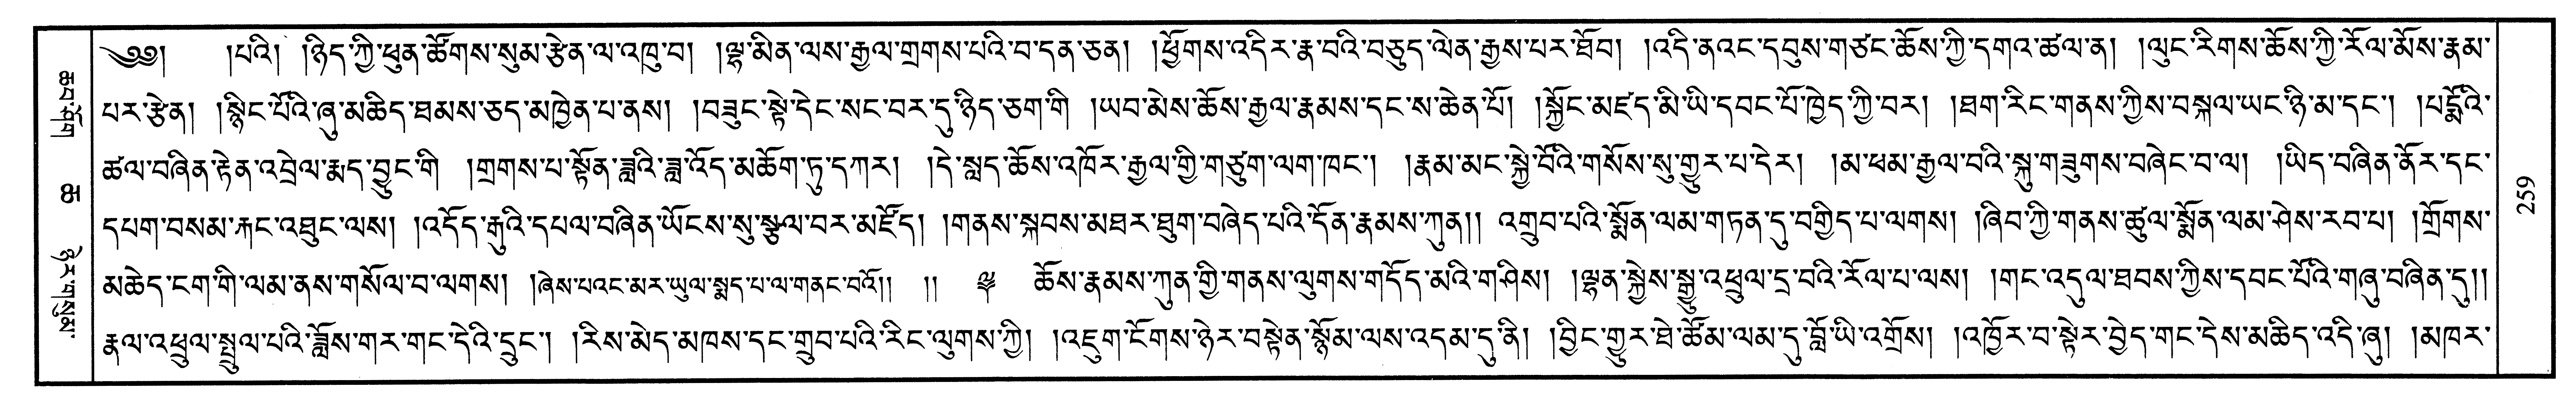༄༅། །པའི། །ཉིད་ཀྱི་ཕུན་ཚོགས་སུམ་རྩེན་ལ་འཁུ་བ། །ལྷ་མིན་ལས་རྒྱལ་གྲགས་པའི་བ་དན་ཅན། །ཕྱོགས་འདིར་རྣ་བའི་བཅུད་ལེན་རྒྱས་པར་ཐོབ། །འདི་ནའང་དབུས་གཙང་ཆོས་ཀྱི་དགའ་ཚལ་ན། །ལུང་རིགས་ཆོས་ཀྱི་རོལ་མོས་རྣམ་
པར་རྩེན། །སྙིང་པོའི་ཞུ་མཆིད་ཐམས་ཅད་མཁྱེན་པ་ནས། །བཟུང་སྟེ་དེང་སང་བར་དུ་ཉིད་ཅག་གི །ཡབ་མེས་ཆོས་རྒྱལ་རྣམས་དང་ས་ཆེན་པོ། །སྐྱོང་མཛད་མི་ཡི་དབང་པོ་ཁྱེད་ཀྱི་བར། །ཐག་རིང་གནས་ཀྱིས་བསྐལ་ཡང་ཉི་མ་དང་། །པདམོའི་
ཚལ་བཞིན་རྟེན་འབྲེལ་རྨད་བྱུང་གི །གྲགས་པ་སྟོན་ཟླའི་ཟླ་འོད་མཆོག་ཏུ་དཀར། །དེ་སླད་ཆོས་འཁོར་རྒྱལ་གྱི་གཙུག་ལག་ཁང་། །རྣམ་མང་སྐྱེ་བོའི་གསོས་སུ་གྱུར་པ་དེར། །མ་ཕམ་རྒྱལ་བའི་སྐུ་གཟུགས་བཞེང་བ་ལ། །ཡིད་བཞིན་ནོར་དང་
དཔག་བསམ་རྐང་འཐུང་ལས། །འདོད་རྒུའི་དཔལ་བཞིན་ཡོངས་སུ་སྩལ་བར་མཛོད། །གནས་སྐབས་མཐར་ཐུག་བཞེད་པའི་དོན་རྣམས་ཀུན།། འགྲུབ་པའི་སྨོན་ལམ་གཏན་དུ་བགྱིད་པ་ལགས། །ཞིབ་ཀྱི་གནས་ཚུལ་སྨོན་ལམ་ཤེས་རབ་པ། །གྲོགས་
མཆེད་ངག་གི་ལམ་ནས་གསོལ་བ་ལགས། །ཞེས་པའང་མར་ཡུལ་སྨད་པ་ལ་གནང་བའོ།། །། ༈ ཆོས་རྣམས་ཀུན་གྱི་གནས་ལུགས་གདོད་མའི་གཤིས། །ལྷན་སྐྱེས་སྒྱུ་འཕྲུལ་དྲ་བའི་རོལ་པ་ལས། །གང་འདུལ་ཐབས་ཀྱིས་དབང་པོའི་གཞུ་བཞིན་དུ།།
རྣལ་འཕྲུལ་སྤྲུལ་པའི་ཟློས་གར་གང་དེའི་དྲུང་། །རིས་མེད་མཁས་དང་གྲུབ་པའི་རིང་ལུགས་ཀྱི། །འཇུག་ངོགས་ཉེར་བསྟེན་སྙོམ་ལས་འདམ་དུ་ནི། །བྱིང་གྱུར་ཐེ་ཚོམ་ལམ་དུ་བློ་ཡི་འགྲོས། །འཁྱོར་བ་སྟེར་བྱེད་གང་དེས་མཆིད་འདི་ཞུ། །མཁར་